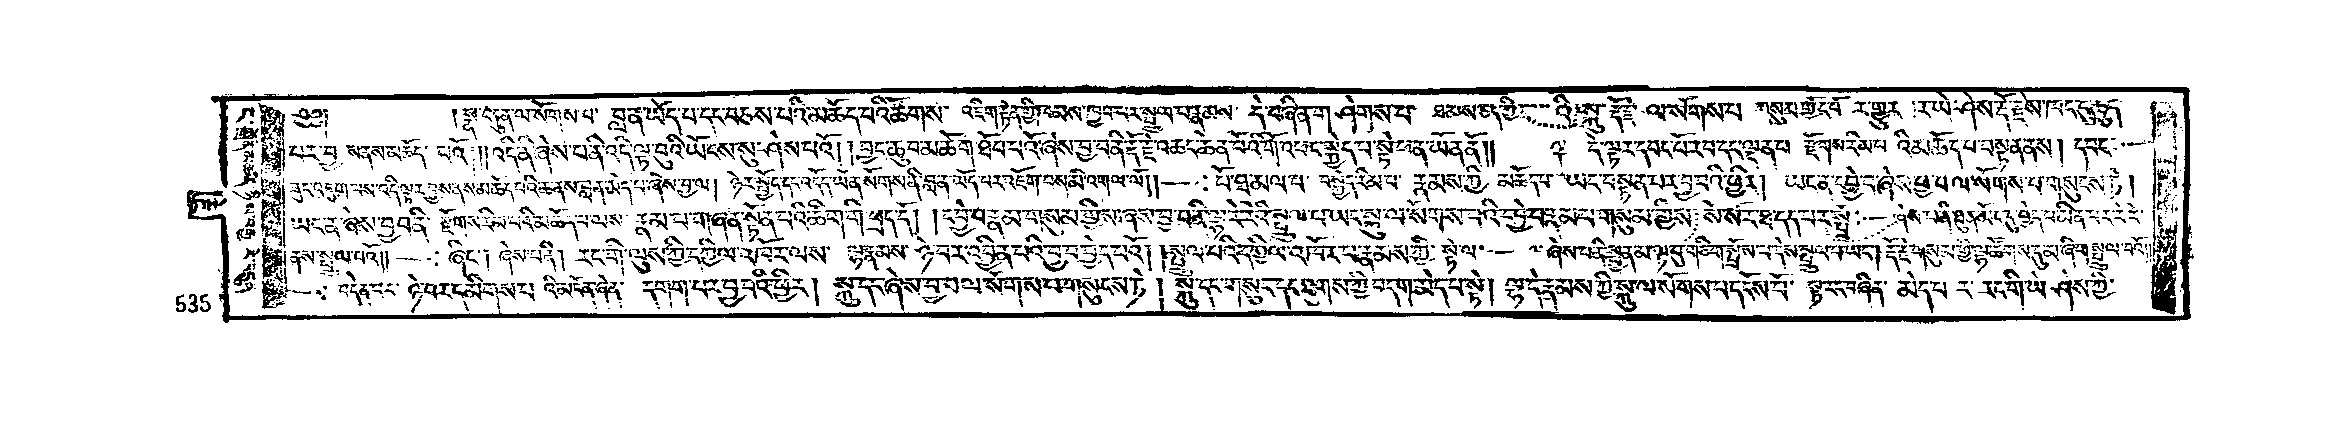༄༅། །སྣ་བདུན་ལ་སོགས་པ། བླ་ན་ཡོད་པ་དང་བཅས་པའི་མཆོད་པའི་ཚོགས་འཇིག་རྟན་གྱི་ཁམས་ཁྱབ་པར་སྤྲུལ་པ་རྣམས་དེ་བཞིན་གཤེགས་པ་ཐམས་ཅད་ཀྱི་འི་སྐུ་རྡོ་རྗེ་ལ་སོགས་པ་གསུམ་གྱི་ངོ་བོར་གྱུར་པར་ཡེ་ཤེས་རྡོ་རྗེས་ཁོང་དུ་ཆུད་
པར་བྱས་ནས་མཆོད་པའོ། །འདི་ནི་ཞེས་པ་ནི་འདི་ལྟ་བུའི་ཡོངས་སུ་ཤེས་པའོ། །བྱང་ཆུབ་མཆོག་ཐོབ་པའོ་ཞེས་བྱ་བ་ནི་རྡོ་རྗེ་འཆང་ཆེན་པོའོ་གོ་འཕང་སྐྱེད་པ་སྟེ་ཕན་ཡོན་ནོ།། ༈ དེ་ལྟར་དབང་པོ་རབ་དང་ལྡན་པ་རྫོགས་རིམ་པའི་མཆོད་པ་བསྟན་ནས། དབངཿ
ཟུང་འཇུག་པས་འདི་ལྟར་བྱས་ནས་མཆོད་པའི་ཆ་ནས་བླ་ན་མེད་པ་ཞེས་བྱ་ལ། ཉེར་སྤྱོད་དང་འདོད་ཡོན་སོགས་ནི་བླ་ན་ཡོད་པར་འཇོག་པས་མི་འགལ་ལོ།།  .Hཔོ་ཐ་མལ་པ་བསྐྱེད་རིམ་པ་རྣམས་ཀྱི་མཆོད་པ་ཡང་བསྟན་པར་བྱ་བའི་ཕྱིར། ཡང་ན་དབྱེ་བ་ཞེས་བྱ་བ་ལ་སོགས་པ་གསུངས་ཏེ།
ཡང་ན་ཞེས་བྱ་བ་ནི་རྫོགས་རིམ་པའི་མཆོད་པ་ལས་རྣམ་པ་གཞན་སྟོན་པའི་ཚིག་གི་ཕྲད་དོ། །དབྱེ་བ་རྣམ་གསུམ་གྱིས་ཞས་བྱ་བ་ནི་ལྷ་རེ་རེའི་སྤྲུལ་པ་ཡང་སྐུ་ལ་སོགས་པའི་དབྱེ་བ་རྣམ་པ་གསུམ་གྱིས་སོ་སོར་ཐ་དད་པར་སྤྲོཿ་ཞེས་པ་ནི་ཐུན་མོང་དུ་བྱེད་པ་མིན་པར་རེ་རེ་
ནས་སྤྲུལ་པའོ།། .Hཞིང་། ཞེས་པ་ནི། རང་གི་ལུས་ཀྱི་དཀྱིལ་འཁོར་ལས་ལྷ་རྣམས་ཉེ་བར་འབྱིན་པའི་བྱ་བ་བྱེད་པའོ། །སྤྲུལ་པའི་དཀྱིལ་འཁོར་པ་རྣམས་ཀྱི་སྟེ་ལཿ་༧ཞེས་པ་ནི་སྤྱན་མ་ལྟ་བུ་གཅིག་སྤྲོས་པ་དེས་སྤྲུལ་པ་ཡང་། རྡོ་རྗེ་གསུམ་གྱི་ལྷ་ཚོགས་དུ་མ་ཞིག་སྤྲུལ་བའོ།།
.H བདེན་པར་ཉེ་བར་དམིགས་པའི་མངོན་ཞེ་ན་དགག་པར་བྱ་བའི་ཕྱིར། སྐུ་དང་ཞེས་བྱ་བ་ལ་སོགས་པ་གསུངས་ཏེ། སྐུ་དང་གསུང་དང་ཐུགས་ཀྱི་བདག་མེད་པ་སྟེ། ལྷ་དེ་རྣམས་ཀྱི་སྐུ་ལ་སོགས་པ་དངོས་པོ་སྟ་རང་བཞིན་མེད་པར་རང་གི་ཡེ་ཤེས་ཀྱི་